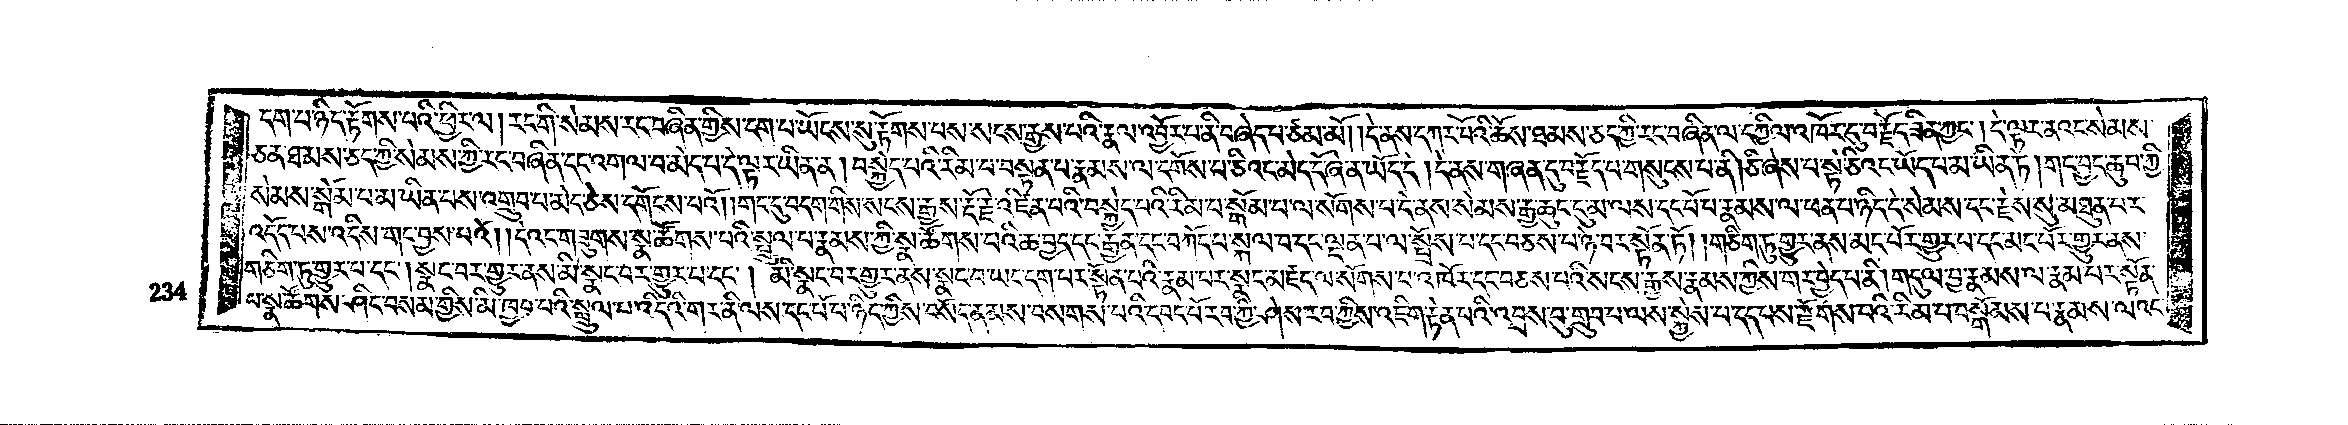དག་པ་ཉིད་རྟོགས་པའི་ཕྱིར་ལ། རང་གི་སེམས་རང་བཞིན་གྱིས་དག་པ་ཡོངས་སུ་རྟོགས་པས་སངས་རྒྱས་པའི་རྣལ་འབྱོར་པ་ནི་བཞེད་པ་ཙམ་མོ། །དེ་ནས་དཀར་པོའི་ཆོས་ཐམས་ཅད་ཀྱི་རང་བཞིན་ལ་དཀྱིལ་འཁོར་དུ་བརྗོད་ཟིན་ཀྱང་། དེ་ལྟར་ནའང་སེམས་
ཅན་ཐམས་ཅད་ཀྱི་སེམས་ཀྱི་རང་བཞིན་དང་འགལ་བ་མེད་པ་དེ་ལྟར་ཡིན་ན། བསྐྱེད་པའི་རིམ་པ་བསྟན་པ་རྣམས་ལ་དགོས་པ་ཅིའང་མེད་དོ་ཞེ་ན་ཡོད་དོ། དེ་ནས་གཞན་དུ་བརྗོད་པ་གསུངས་པ་ནི། ཅི་ཞེས་པ་སྟེ་ཅིའང་ཡོད་པ་མ་ཡིན་ཏེ། གང་བྱང་ཆུབ་ཀྱི་
སེམས་སྒོམ་པ་མ་ཡིན་པས་འགྲུབ་པ་མེད་ཅེས་དགོངས་པའོ། །གང་དུ་བདག་གིས་སངས་རྒྱས་རྡོ་རྗེ་འཛིན་པའི་བསྐྱེད་པའི་རིམ་པ་སྒོམ་པ་ལ་སོགས་པ་དེ་ནས་སེམས་རྒྱ་ཆུང་དུ་མ་ལས་དང་པོ་པ་རྣམས་ལ་ཕན་པ་ཉིད་དེ་སེམས་དང་རྗེས་སུ་མཐུན་པར་
འདོད་པས་འདིས་གང་བྱས་པའོ། །དེའང་གཟུགས་སྣ་ཚོགས་པའི་སྤྲུལ་པ་རྣམས་ཀྱི་སྣ་ཚོགས་པའི་ཆ་བྱད་དང་རྒྱན་དང་བཀོད་པ་སྐལ་བ་དང་ལྡན་པ་ལ་སྤྲོས་པ་དང་བཅས་པ་ཉེ་བར་སྟོན་ཏོ། །གཅིག་ཏུ་གྱུར་ནས་མང་པོར་གྱུར་པ་དང་མང་པོར་གྱུར་ནས་
གཅིག་ཏུ་གྱུར་པ་དང་། སྣང་བར་གྱུར་ནས་མི་སྣང་བར་གྱུར་བ་དང་། མི་སྣང་བར་གྱུར་ནས་སྣང་བ་ཡང་དག་པར་སྟོན་པའི་རྣམ་པར་སྣང་མཛད་ལ་སོགས་པ་འཁོར་དང་བཅས་པའི་སངས་རྒྱས་རྣམས་ཀྱིས་གར་བྱེད་པ་ནི། གདུལ་བྱ་རྣམས་ལ་རྣམ་པར་སྟོན་
པ་སྣ་ཚོགས་ཤིང་བསམ་གྱིས་མི་ཁྱབ་པའི་སྤྲུལ་པ་འདིའི་གར་ནི་ལས་དང་པོ་པ་ཉིད་ཀྱིས་བསོད་ནམས་བསགས་པའི་དབང་པོ་རབ་ཀྱི་ཤེས་རབ་ཀྱིས་འཇིག་རྟེན་པའི་འབྲས་བུ་གྲུབ་པ་ལས་སྐྱེས་པ་དད་པས་རྫོགས་པའི་རིམ་པ་བསྒོམས་པ་རྣམས་ལའང་